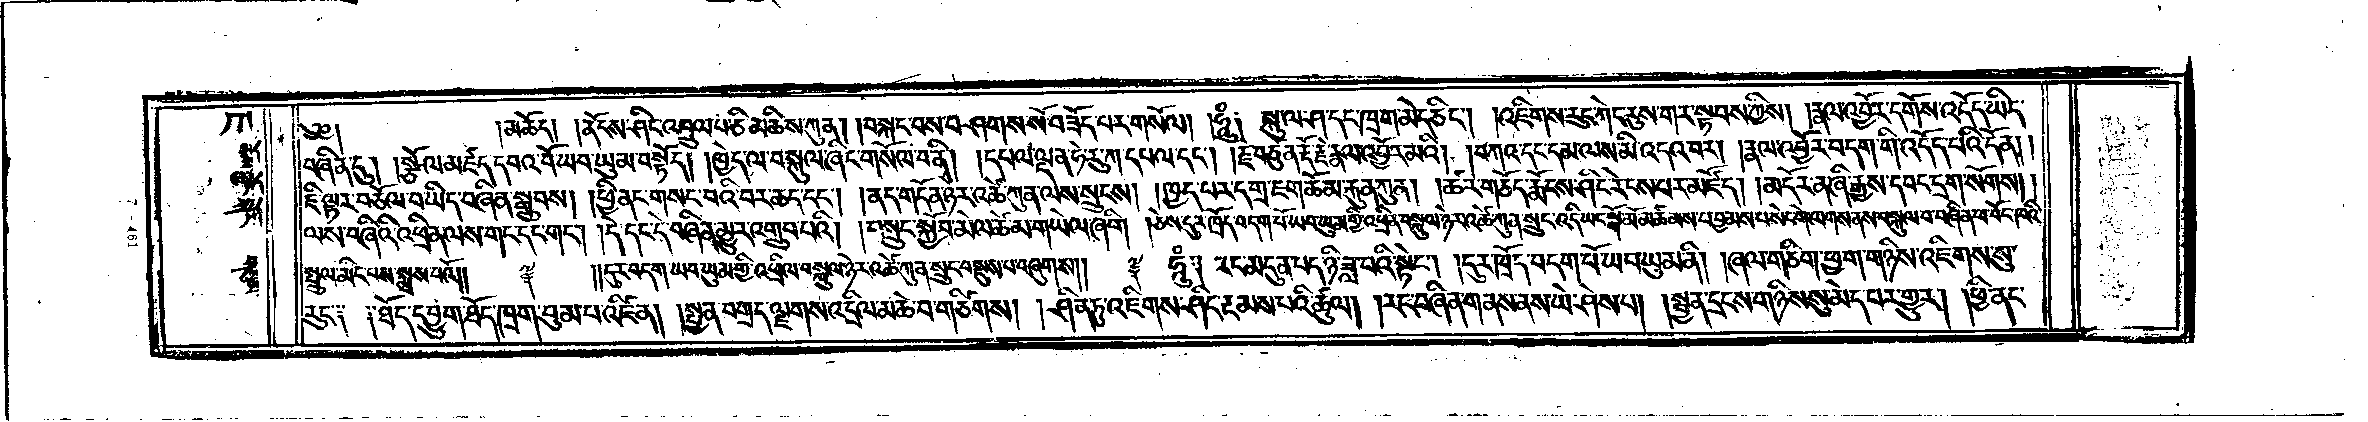༄༅། །མཆོད། །ནོངས་ཤིང་འཁྲུལ་པ་ཅི་མཆིས་ཀུན། །བསྐང་བས་བཤགས་སོ་བཟོད་པར་གསོལ། །ཧཱུཾ༑ སྐུ་ལ་ཤ་དང་ཁྲག་མེད་ཅིང་། །འཇིགས་རུང་ཀེང་རུས་གར་སྟབས་ཀྱིས། །རྣལ་འབྱོར་དགོས་འདོད་ཡིད་
བཞིན་དུ། །སྩོལ་མཛད་དབའ་བོ་ཡབ་ཡུམ་བསྟོད། །ཁྱེད་ལ་བསྐུལ་ཞིང་གསོལ་བ་ནི། །དཔལ་ལྡན་ཧེ་རུ་ཀ་དཔལ་དང་། །རྗེ་བཙུན་རྡོ་རྗེ་རྣལ་འབྱོར་མའི། །བཀའ་དང་དམ་ལས་མི་འདའ་བར། །རྣལ་འབྱོར་བདག་གི་འདོད་པའི་དོན། །
ཇི་ལྟར་བཅོལ་བ་ཡིད་བཞིན་སྒྲུབས། །ཕྱི་ནང་གསང་བའི་བར་ཆད་དང་། །ནད་གདོན་ཉེར་འཚེ་ཀུན་ལས་སྲུངས། །ཁྱད་པར་དགྲ་ཇག་ཆོམ་རྐུན་ཀུན། །ཚར་གཅོད་རྨོངས་ཤིང་རེངས་པར་མཛོད། །མདོར་ན་ཞི་རྒྱས་དབང་དྲག་སོགས།།
ལས་བཞིའི་འཕྲིན་ལས་གང་དང་གང་། །དེ་དང་དེ་བཞིན་མྱུར་འགྲུབ་པའི། །བསྲུང་སྐྱོབ་མེལ་ཚེ་མ་གཡེལ་ཞིག །ཅེས་དུར་ཁྲོད་བདག་པོ་ཡབ་ཡུམ་གྱི་འཕྲིན་བསྐུལ་ཉེར་འཚེ་ཀུན་སྲུང་འདི་ཡང་སྒོ་མོ་མཚམས་པ་བྱམས་པ་སེང་གེ་ལགས་ནས་བསྐུལ་བ་བཞིན་ཕ་བོང་ཁའི་
སྤྲུལ་མིང་པས་སྨྲས་པའོ།། ༈ །།དུར་བདག་ཡབ་ཡུམ་གྱི་འཕྲིལ་བསྐུལ་ཉེར་འཚེ་ཀུན་སྲུང་བསྡུས་པ་བཞུགས།། ༈ ཧཱུཾ༑ རང་མདུན་པད་ཉི་ཟླ་བའི་སྟེང་། །དུར་ཁྲོད་བདག་པོ་ཡབ་ཡུམ་ནི། །ཞལ་གཅིག་ཕྱག་གཉིས་འཇིགས་སུ་
རུང༑ ༑ཐོད་དབྱུག་ཐོད་ཁྲག་བུམ་པ་འཛིན། །སྤྱན་བགྲད་ལྗགས་འདྲིལ་མཆེ་བ་གཙིགས། །ཤིན་ཏུ་འཇིགས་ཤིང་རྔམས་པའི་ཚུལ། །རང་བཞིན་གནས་ནས་ཡེ་ཤེས་པ། །སྤྱན་དྲངས་གཉིས་སུ་མེད་པར་གྱུར། །ཕྱི་ནང་